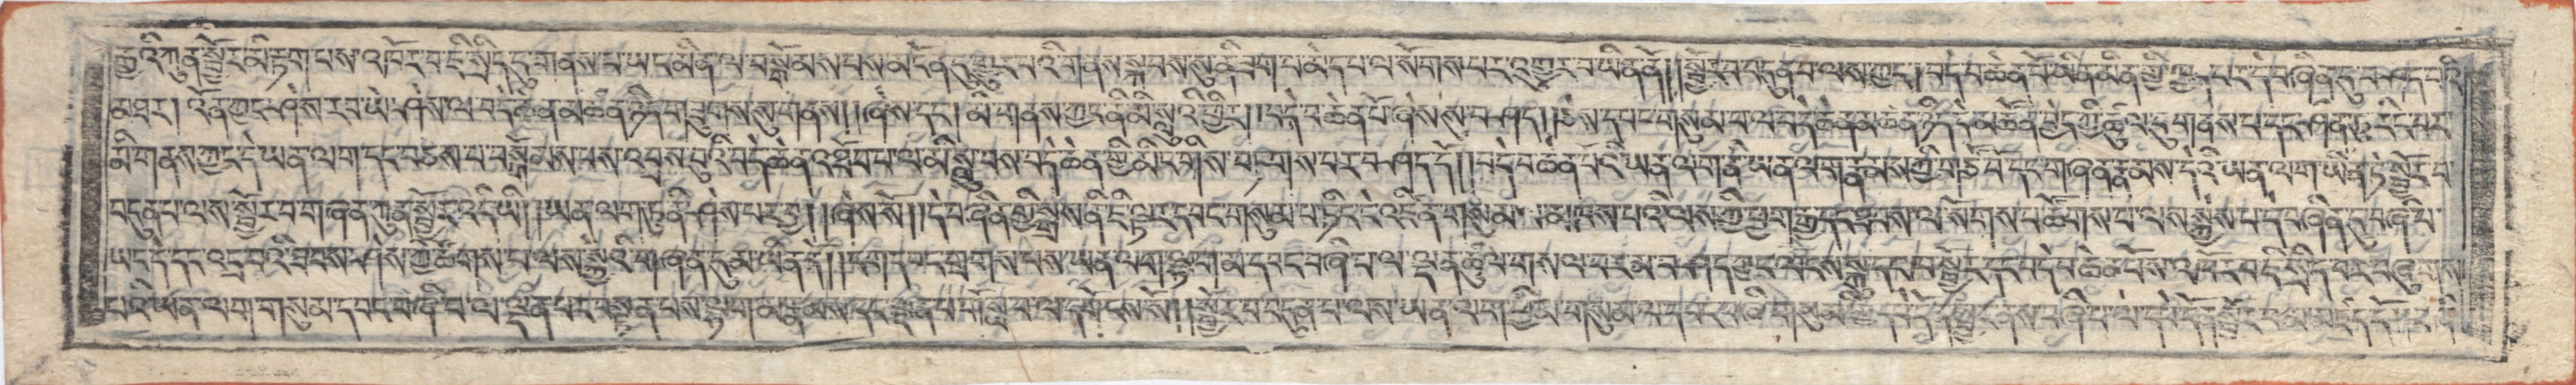རྒྱའི་ཀུན་སྦྱོར་མི་རྟག་པས་འཁོར་བ་ཇི་སྲིད་དུ་གནས་པ་ཡང་མིན་ལ་བསྒོམས་པས་མངོན་དུ་གྱུར་པའི་གནས་སྐབས་སུ་ནི་ཟག་པ་མེད་པ་ལ་སོགས་པར་འགྱུར་བ་ཡིན་ནོ། །སྦྱོར་བ་བདུན་པ་ལས་ཀྱང་། བདེ་བ་ཆེན་པོ་ཡིན་མིན་གྱི་ཁྱད་པར་དེ་བཞིན་དུ་བཤད་པའི་
མཐར། འོན་ཀྱང་ཤེས་རབ་ཡེ་ཤེས་ལ་བདེ་ཆེན་མཚན་ཉིད་གཟུགས་སུ་གནས། །ཞེས་དང་། མི་གནས་ཀྱང་ནི་མི་སླུའི་ཕྱིར། །བདེ་བ་ཆེན་པོ་ཞེས་སུ་བཤད། །ཅེས་དབང་གསུམ་པ་ལ་བདེ་ཆེན་མཚན་ཉིད་དེ་མཚོན་བྱེད་ཀྱི་ཚུལ་དུ་གནས་པ་དང་ཤིན་ཏུ་རིང་བར་
མི་གནས་ཀྱང་དེ་ཡན་ལག་དང་བཅས་པ་བསྒོམས་པས་འབྲས་བུའི་བདེ་ཆེན་འཐོབ་པ་ལ་མི་སླུ་བས་བདེ་ཆེན་གྱི་མིང་གིས་བཏགས་པར་བཤད་དོ། །བདེ་བ་ཆེན་པོའི་ཡན་ལག་ནི་ཡན་ལག་རྣམས་ཀྱི་གཙོ་བོ་དང་གཞན་རྣམས་དེའི་ཡན་ལག་ཡིན་ཏེ་སྦྱོར་བ་
བདུན་པ་ལས་སྦྱོར་བ་གཞན་ཀུན་སྦྱོར་འདི་ཡི། །ཡན་ལག་ཏུ་ནི་ཤེས་པར་བྱ། །ཞེས་སོ། །དེ་བཞིན་གྱི་སྒྲས་ནི་ཇི་ལྟར་དབང་གསུམ་པ་ཏིང་ངེ་འཛིན་གསུམ་ལ་མཁས་པའི་ལས་ཀྱི་ཕྱག་རྒྱ་དང་ཐབས་ལ་སོགས་པ་ཚོགས་པ་ལས་སྐྱེས་པ་དེ་བཞིན་དུ་བཞི་པ་
ཡང་དེ་དང་འདྲ་བའི་ཐབས་ཤེས་ཀྱི་ཚོགས་པ་ལས་སྐྱེའི་གཞན་དུ་མ་ཡིན་ནོ། །ངག་དབང་གྲགས་པས་ཡན་ལག་ལྷག་མ་དབང་བཞི་པ་ལ་ལྡན་ཚུལ་གསལ་བར་མ་བཤད་ཀྱང་ལོངས་སྐུ་དང་ཁ་སྦྱོར་དང་བདེ་བ་ཆེན་པོས་འཁོར་བ་ཇི་སྲིད་བར་བཞུགས་
པའི་ཡན་ལག་གསུམ་དབང་བཞི་པ་ལ་ལྡན་པར་བསྟན་པས་ལྷག་མ་རྣམས་དང་ལྡན་པ་གོ་སླ་བ་ལ་དགོངས་སོ། །སྦྱོར་བ་བདུན་པ་ལས་ཡན་ལག་ཕྱི་མ་གསུམ་ལ་དབང་བཞི་གསུམ་གྱི་དཔེ་དོན་སྦྱར་ནས་བཞི་པ་ལ་དཔེ་དོན་སྦྱོར་བ་མ་མཛད་དོ། །བཞི་